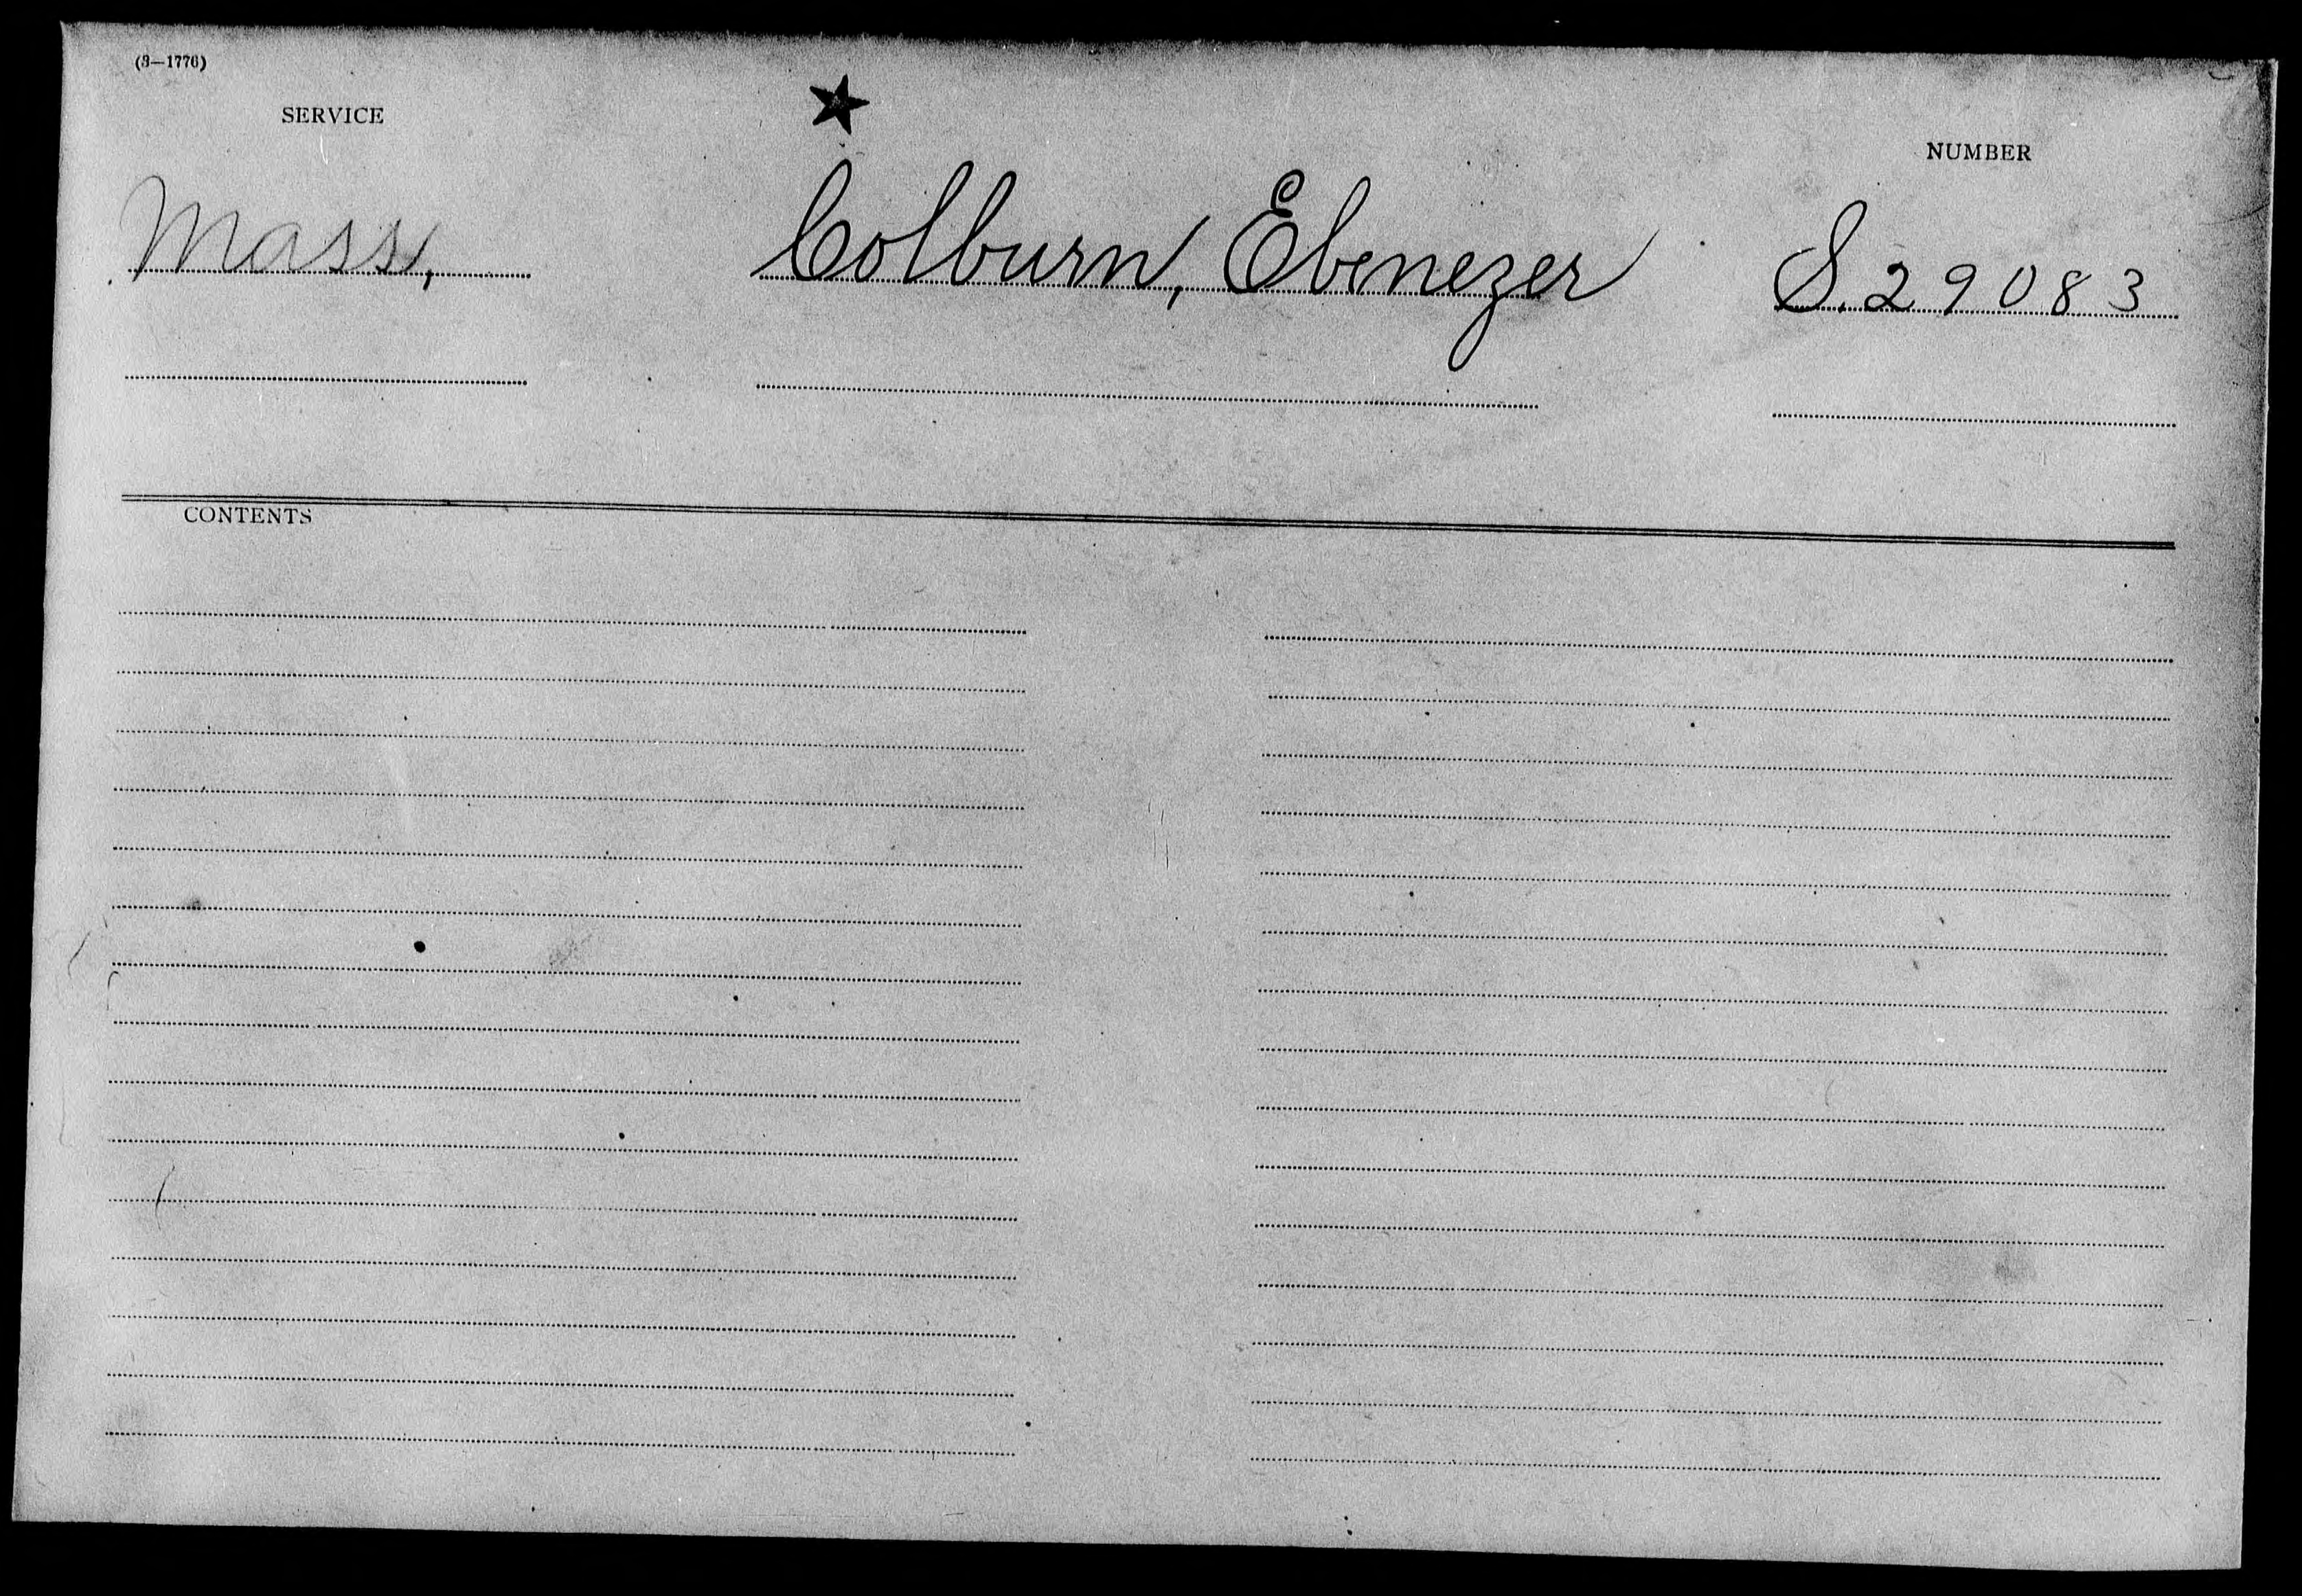SERVICE
Mass.
Colburn, Ebenezer
NUMBER
S.29083
CONTENTS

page: 1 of 10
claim: survivor's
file: S. 29083, Ebenezer Colburn, Mass.